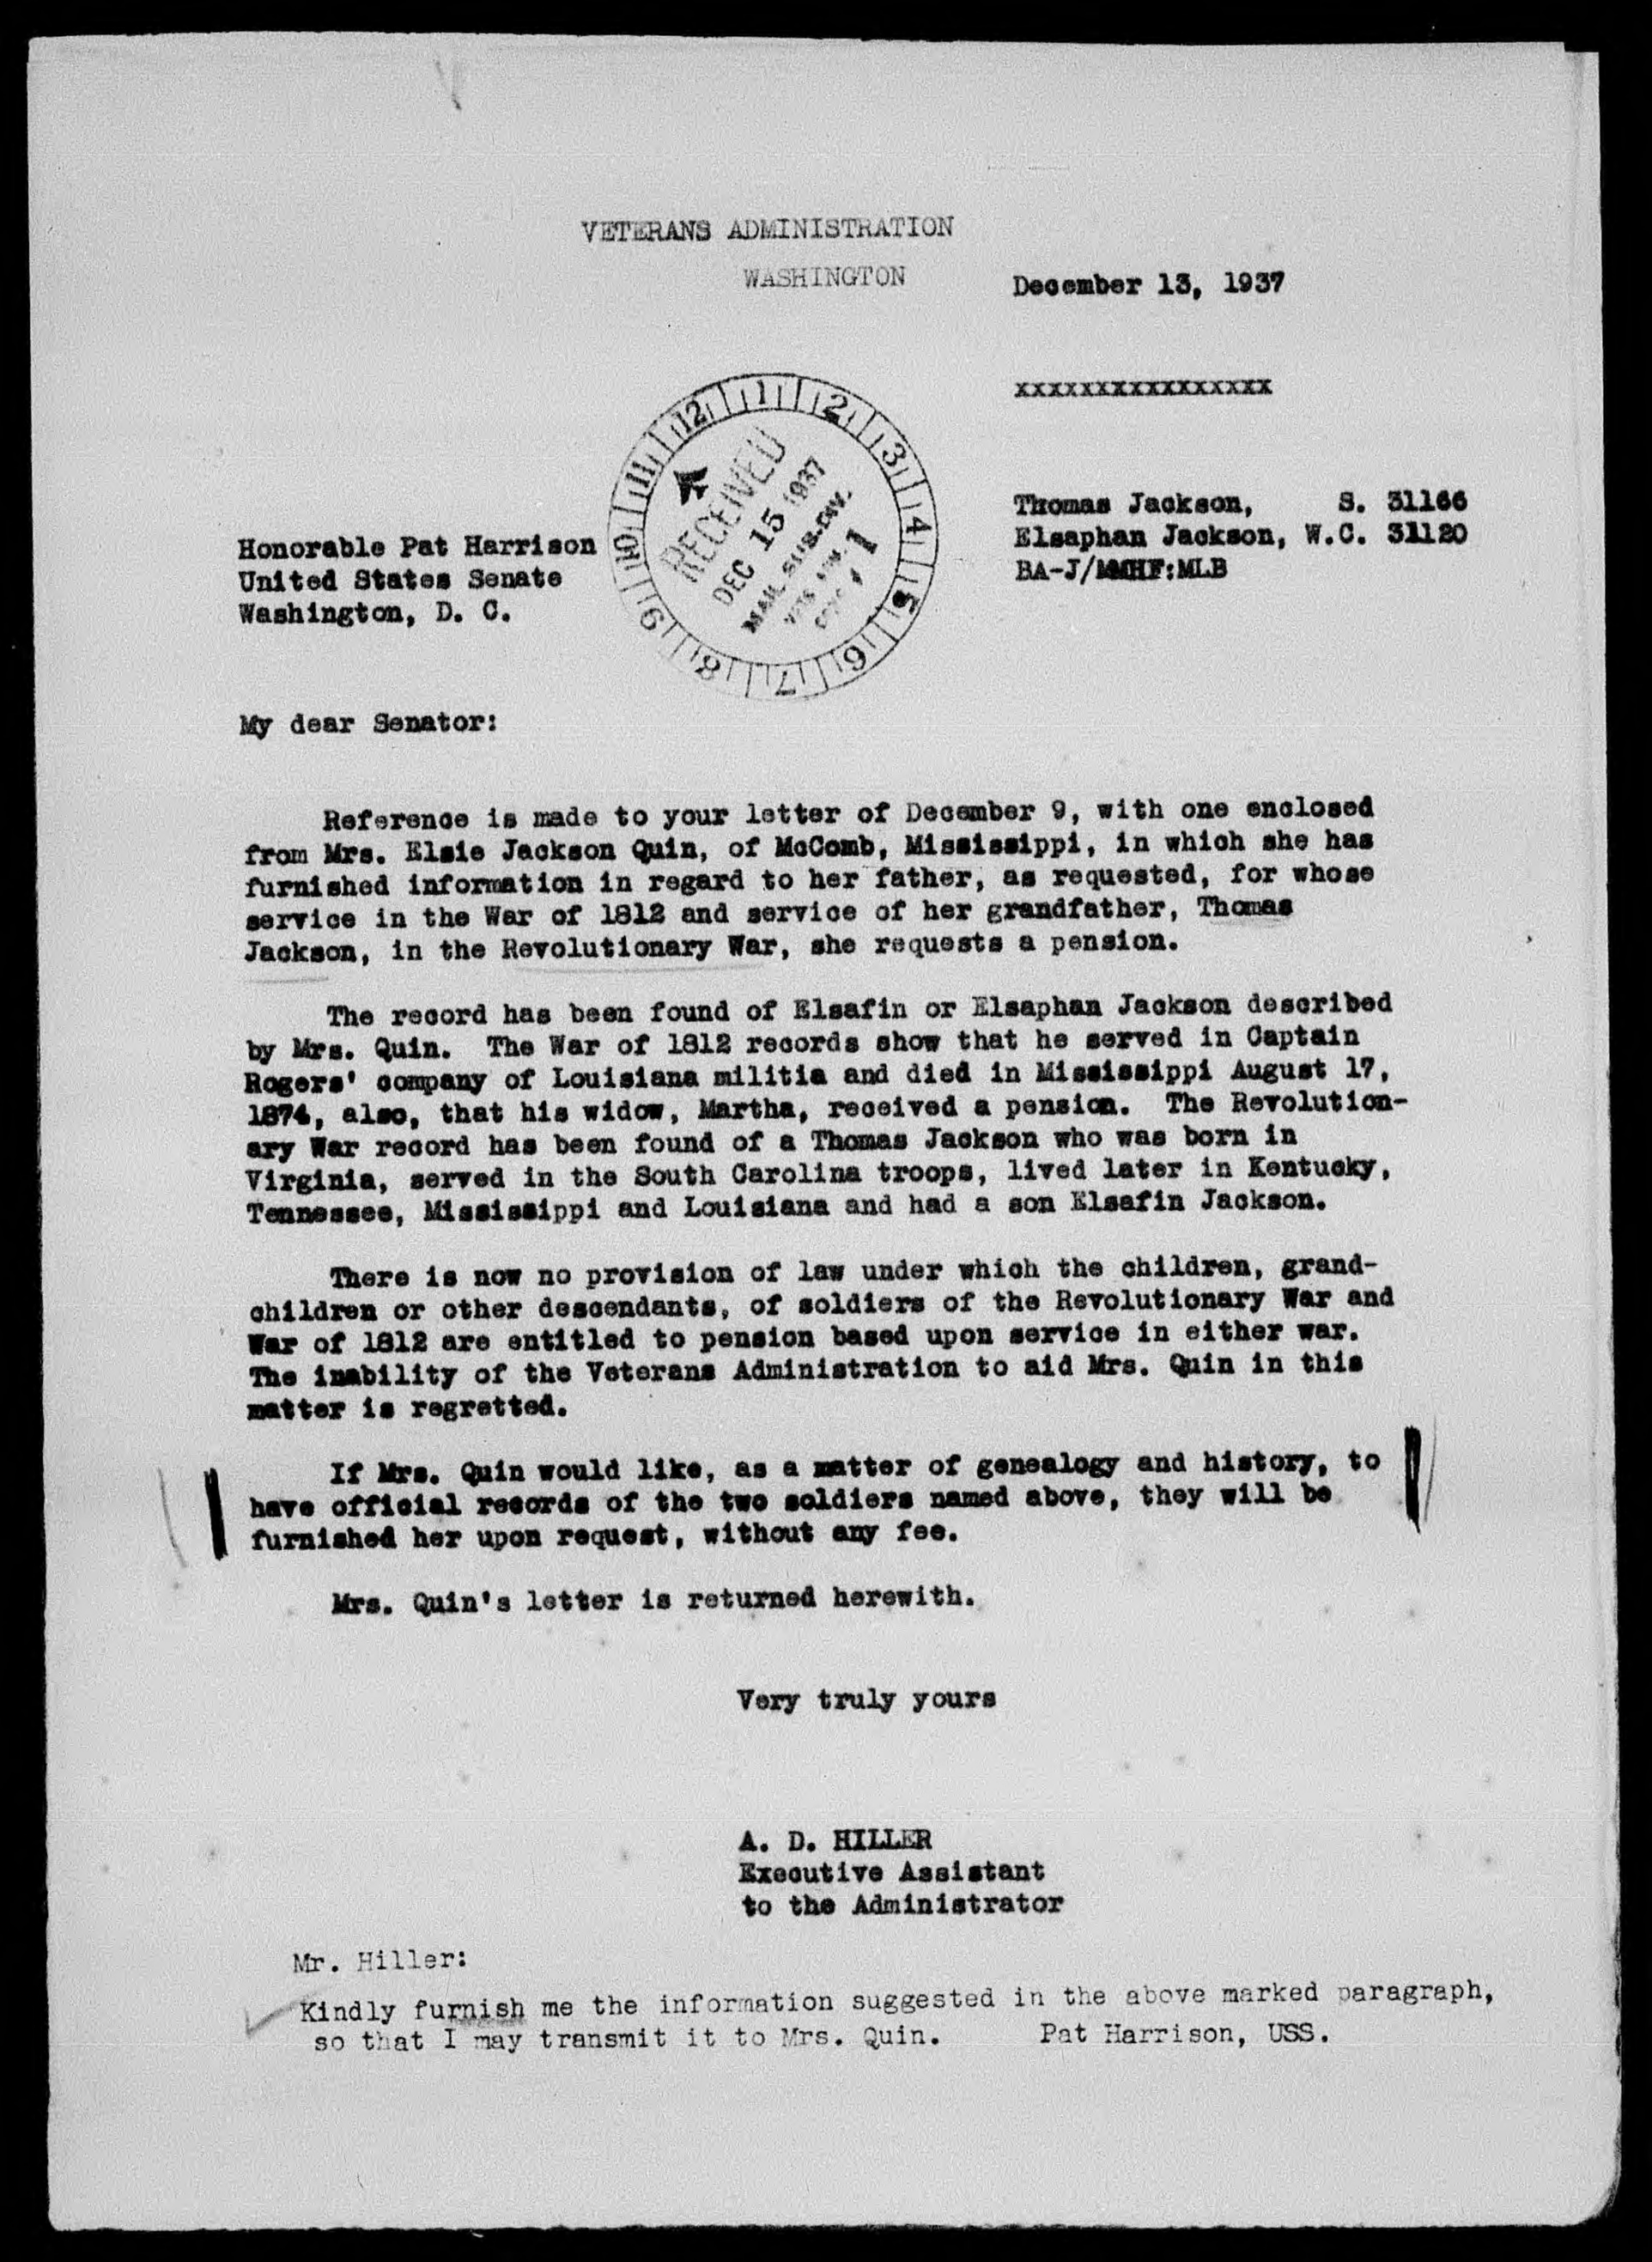VETERANS ADMINISTRATION
WASHINGTON
December 13, 1937
XXXXXXXXXXXXXXXX
Thomas Jackson,
S. 31166
Elsaphan Jackson, W.C. 31120
BA-J/AMMHFMLB
[stamp]RECEIVED DEC 15 1937 MAIL SUB DIV. VETS ADM

Honorable Pat Harrison
United States Senate
Washington, D. C.
My dear Senator:

Reference is made to your letter of December 9, with one enclosed
from Mrs. Elsie Jackson Quinn, of McComb, Mississippi, in which she has
furnished information in regard to her father, as requested, for whose
service in the War of 1812 and service of her grandfather, Thomas
Jackson, in the Revolutionary War, she requests a pension.

The record has been found of Elsafin or Elsaphan Jackson described
by Mrs. Quin. The War of 1812 records show that he served in Captain
Rogers' company of Louisiana militia and died in Mississippi August 17,
1874, also, that his widow, Martha, received a pension. The Revolutionary 
War record has been found of a Thomas Jackson who was born in
Virginia, served in the South Carolina troops, lived later in Kentucky,
Tennessee, Mississippi and Louisiana and had a son Elsafin Jackson.

There is now no provision of law under which the children, grand
children or other descendants of soldiers of the Revolutionary War and
War of 1812 are entitled to pension based upon service in either war.
The inability of the Veterans Administration to said Mrs. Quin in this
matter is regretted.

If Mrs. Quin would like, as a matter of genealogy and history, to
have official records of the two soldiers named above, they will be
furnished her upon request, without any fee.
Mrs. Quin's letter is returned herewith.

Very truly yours
A. D. HILLER
Executive Assistant
to the Administrator

Mr. Hiller:
Kindly furnish me the information suggested in the above marked paragraph,
so that I may transmit it to Mrs. Quin.
Pat Harrison, USS.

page: 52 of 54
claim: survivor's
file: S. 31166, for Thomas Jackson, South Carolina